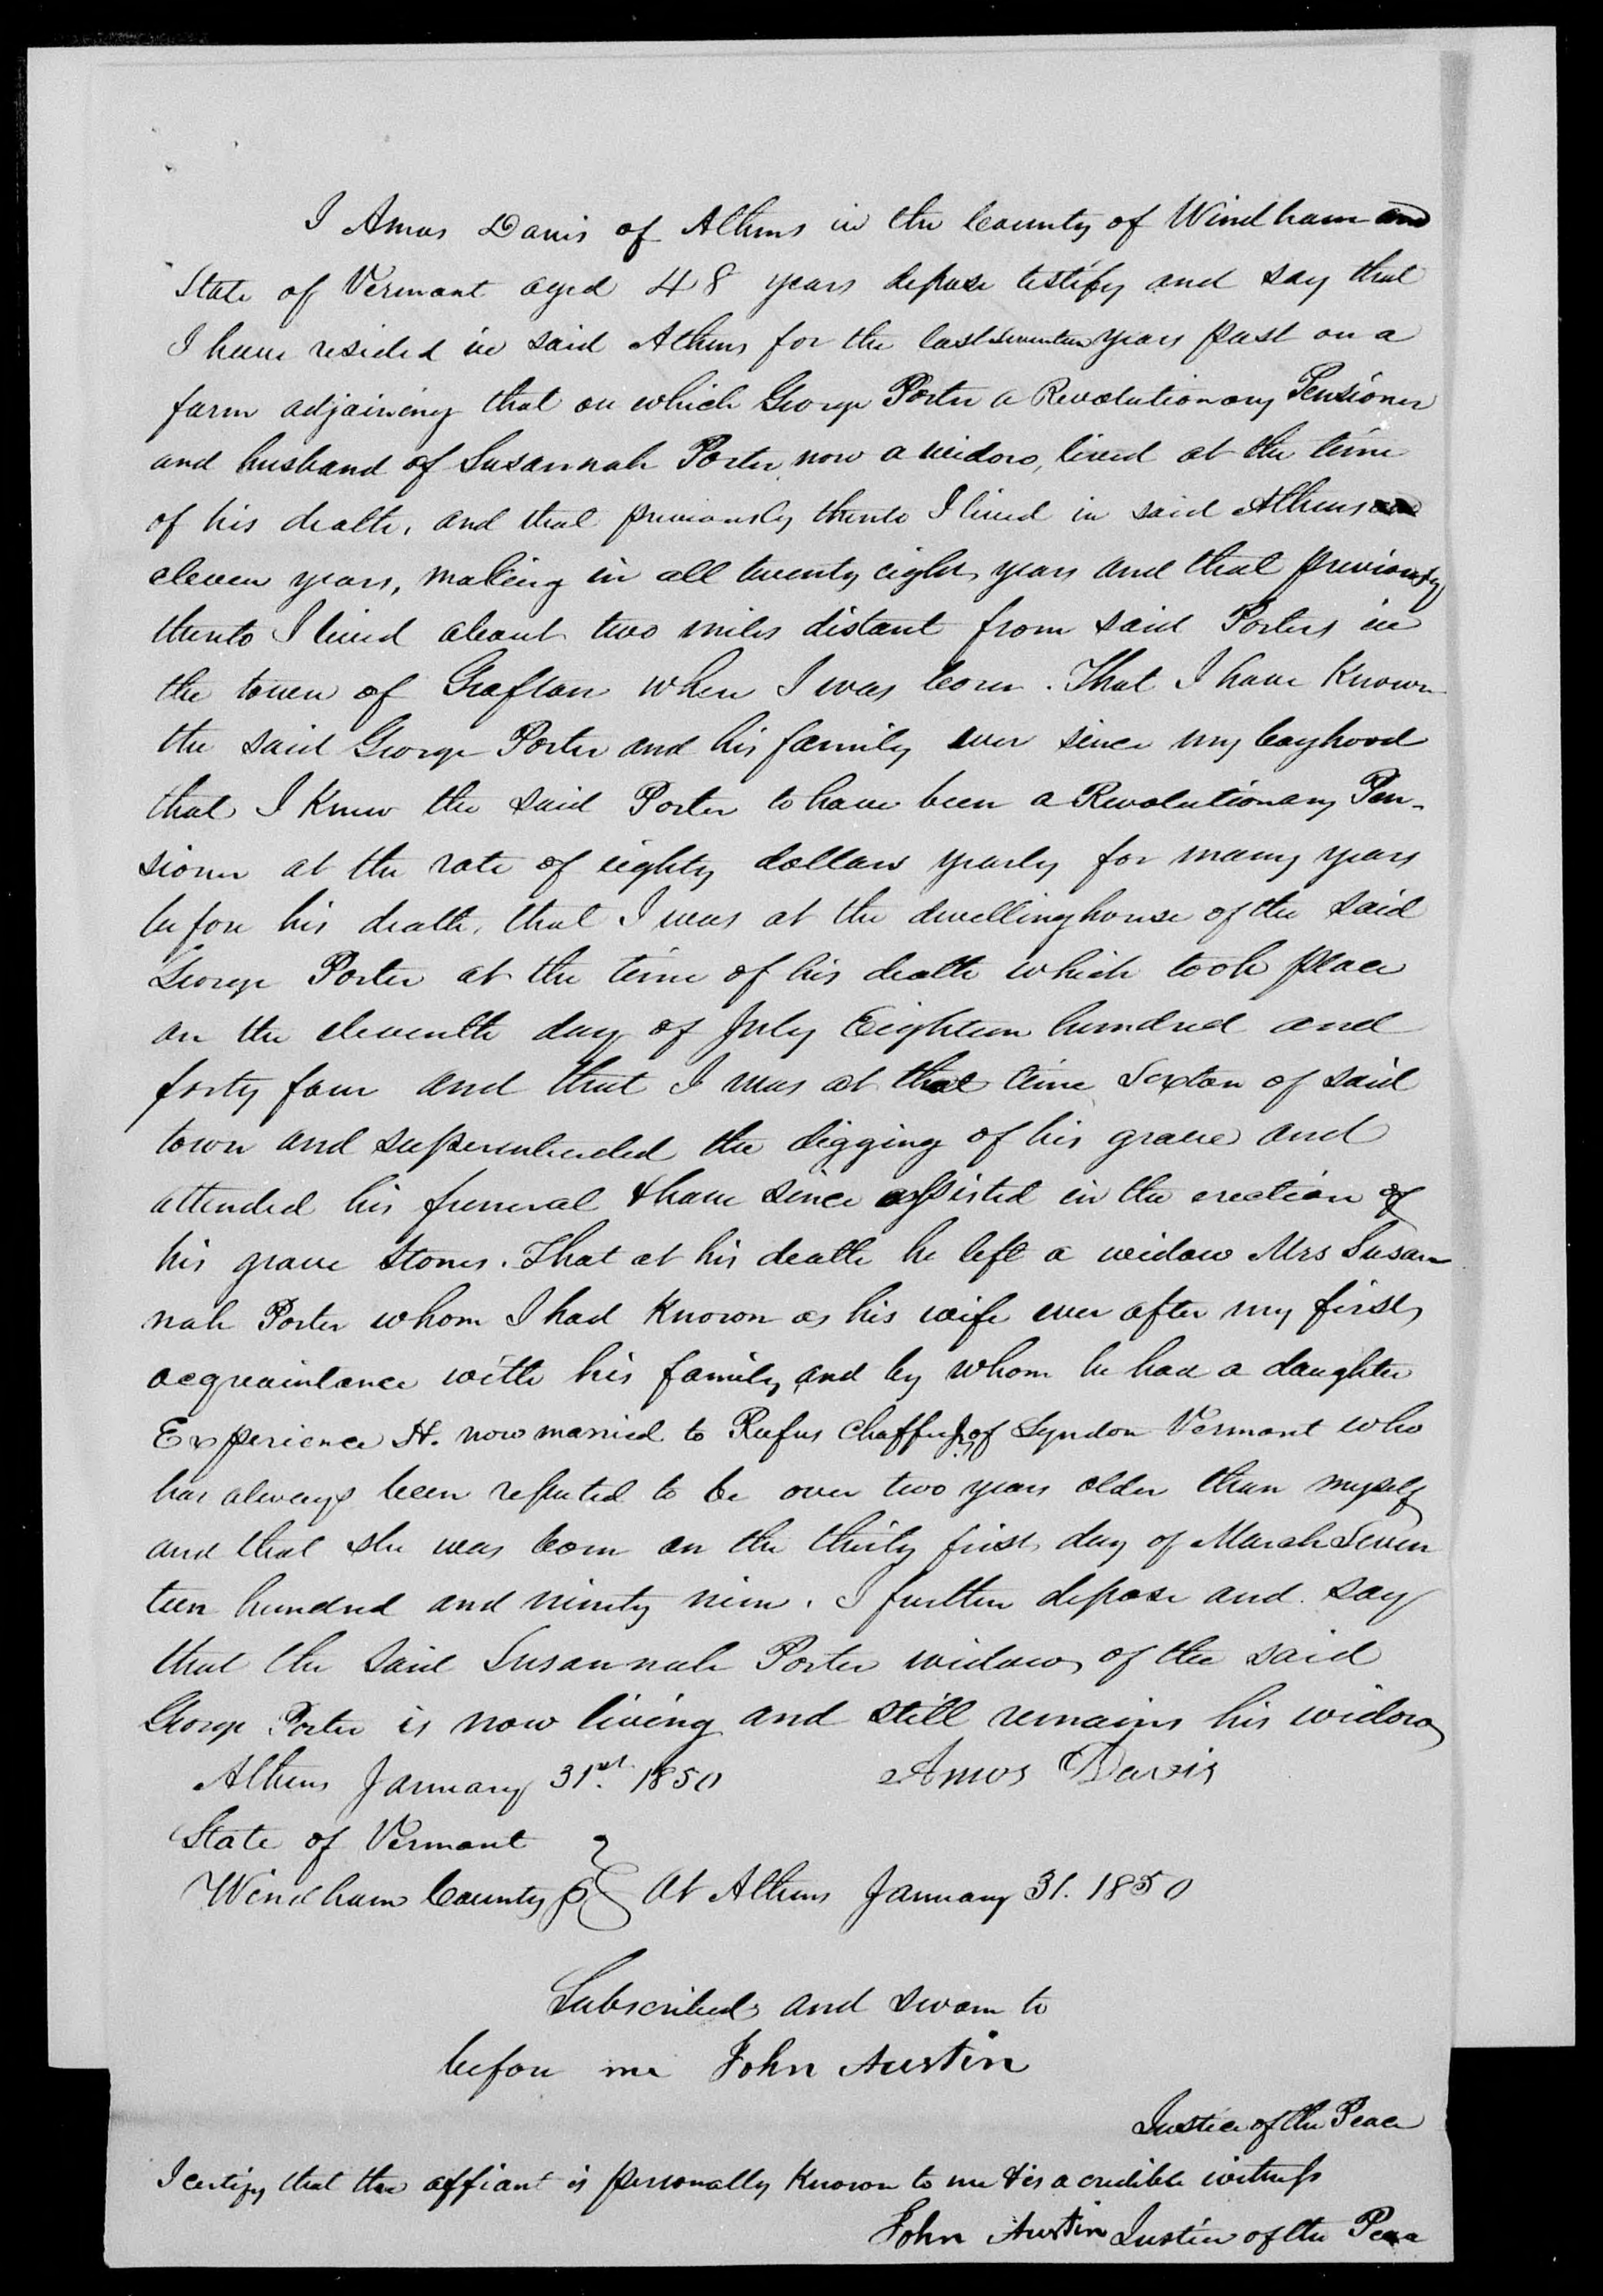I Amos Davis of Athens in the County of Windham and State of Vermont aged 48 years depose testify and say that I have resided in said Athens for the last seventeen years past on a farm adjoining that on which George Porter a Revolutionary Pensioner and husband of Susannah Porter, now a widow, lived at the time of his death, and that previously thereto I lived in said Athens [crossed out: and] eleven years, making in all twenty eight years and that previously thereto I lived about two miles distant from said Porter in the town of Grafton when I was born. that I have known the said George Porter and his family ever since my boyhood that I know the said Porter to have been a Revolutionary Pensioner at the rate of eighty dollars yearly for many years before his death, that I was at the dwelling house of the said George Porter at the time of his death which took place on the eleventh day of July Eighteen hundred and forty four and that I was at that time Sexton of said town and superintended the digging of his grave and attended his funeral & have since assisted in the erection of his grave stones. That at his death he left a widow Mrs Susannah Porter whom I had known as his wife ever after my first acquaintance with his family and by whom he had a daughter Experience H. Now married to Rufus Chaffee Jr. of Lyndon Vermont who has always been reputed to be over two years older than myself and that she was born on the thirty first day of March Seventeen hundred and ninty nine. I further depose and say that the said Susannah Porter Widow of the said George Porter is now living and still remains his widow
Athens January 31st 1850
Amos Davis

State of Vermont
Windham County ss
At Athens January 31. 1850
January 31. 1850
Subscribed and sworn to before me John Austin
Justice of the Peace

I certify that the affiant is personally known to me & is a credible witness
John Austin Justice of the Peace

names: John Austin; Rufus Chaffee; George Porter; Susannah Porter; Amos Davis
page: 17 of 49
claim: widow's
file: W. 2164, for George Porter, Massachusetts